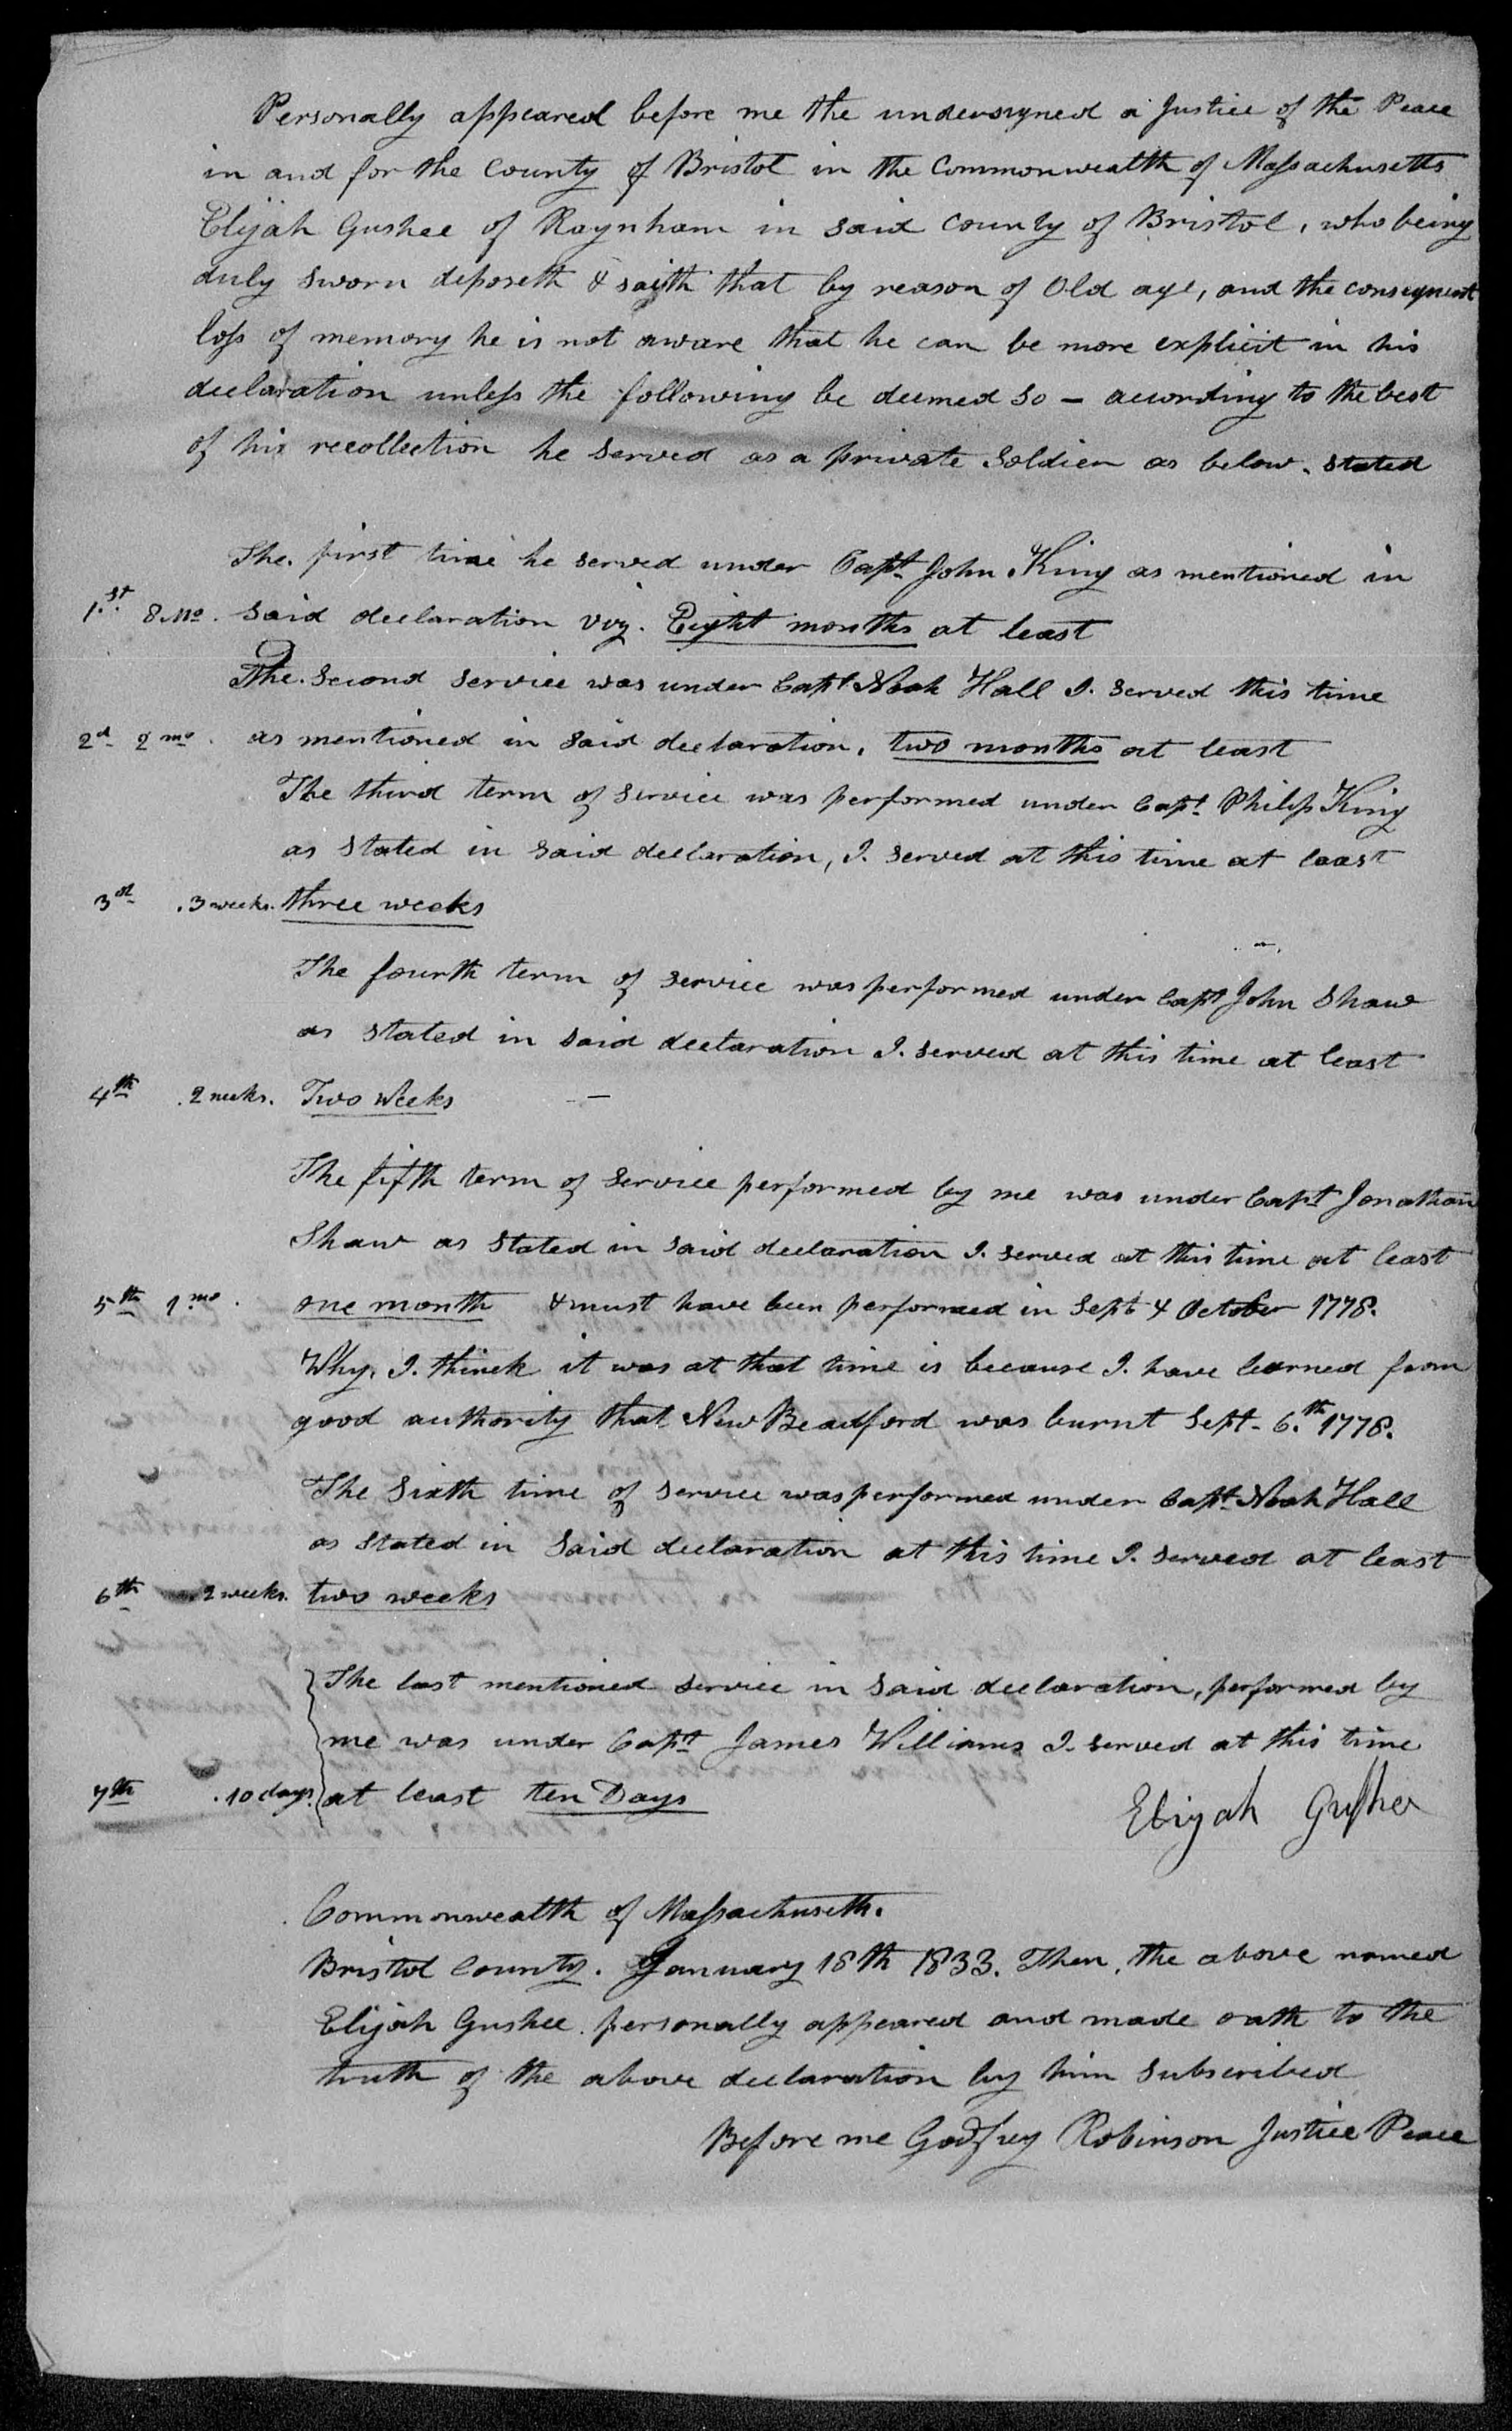Personally appeared before me the undersigned a Justice of the Peace
in and for the County of Bristol in the Commonwealth of Massachusetts
Elijah Gushee of Raynham in said County of Bristol, who being 
duly sworn deposeth & saith that by reason of old age, and the consequent
loss of memory he is not aware that he can be more explicit in his
declaration unless the following be deemed so - according to the best
of his recollection he served as a private soldier as below, stated
1st 8 mo. the first time he served under Capt John King as mentioned in
said declaration viz. Eight months at least
2nd 2 mo. the second service was under Capt Noah Hall I served this time
as mentioned in said declaration, two months at least
3rd 3 weeks The third term of service was performed under Capt Philip King
as stated in said declaration, I served at this time at least three weeks
The fourth term of service was performed under Capt John Shaw
as stated in said declaration I served at this time at least
4th 2 weeks. Two weeks
The fifth term of service performed by me was under Capt Jonathan
Shaw as stated in said declaration I served at this time at least
5th 1 mo. one month & must have been performed in Sept + October 1778
Why I think it was at that time is because I have learned from
good authority that New Bedford was burnt Sept. 6th 1778.
The sixth time of service was performed under Capt Noah Hall
as stated in said declaration at this time I served at least
6th 2 weeks two weeks
The last mentioned service in said declaration, performed by me was under Capt James Williams I served at this time
7th 10 days at least ten Days  Elijah Gushee

Commonwealth of Massachusetts
Bristol County. January 18th 1833. Then the above named
Elijah Gushee personally appeared and made oath to the
truth of the above declaration by him subscribed
Before me Godfrey Robinson Justice Peace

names: Elijah Gushee, Elijah Gushe, Noah Hall, Philip King, Godfrey Robinson, Jonathan Shaw, John King, James Williams, Elijah Gushee, Noah Hall, John Shaw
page: 35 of 36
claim: widow's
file: W. 8838, Elijah Gushee, Mass.